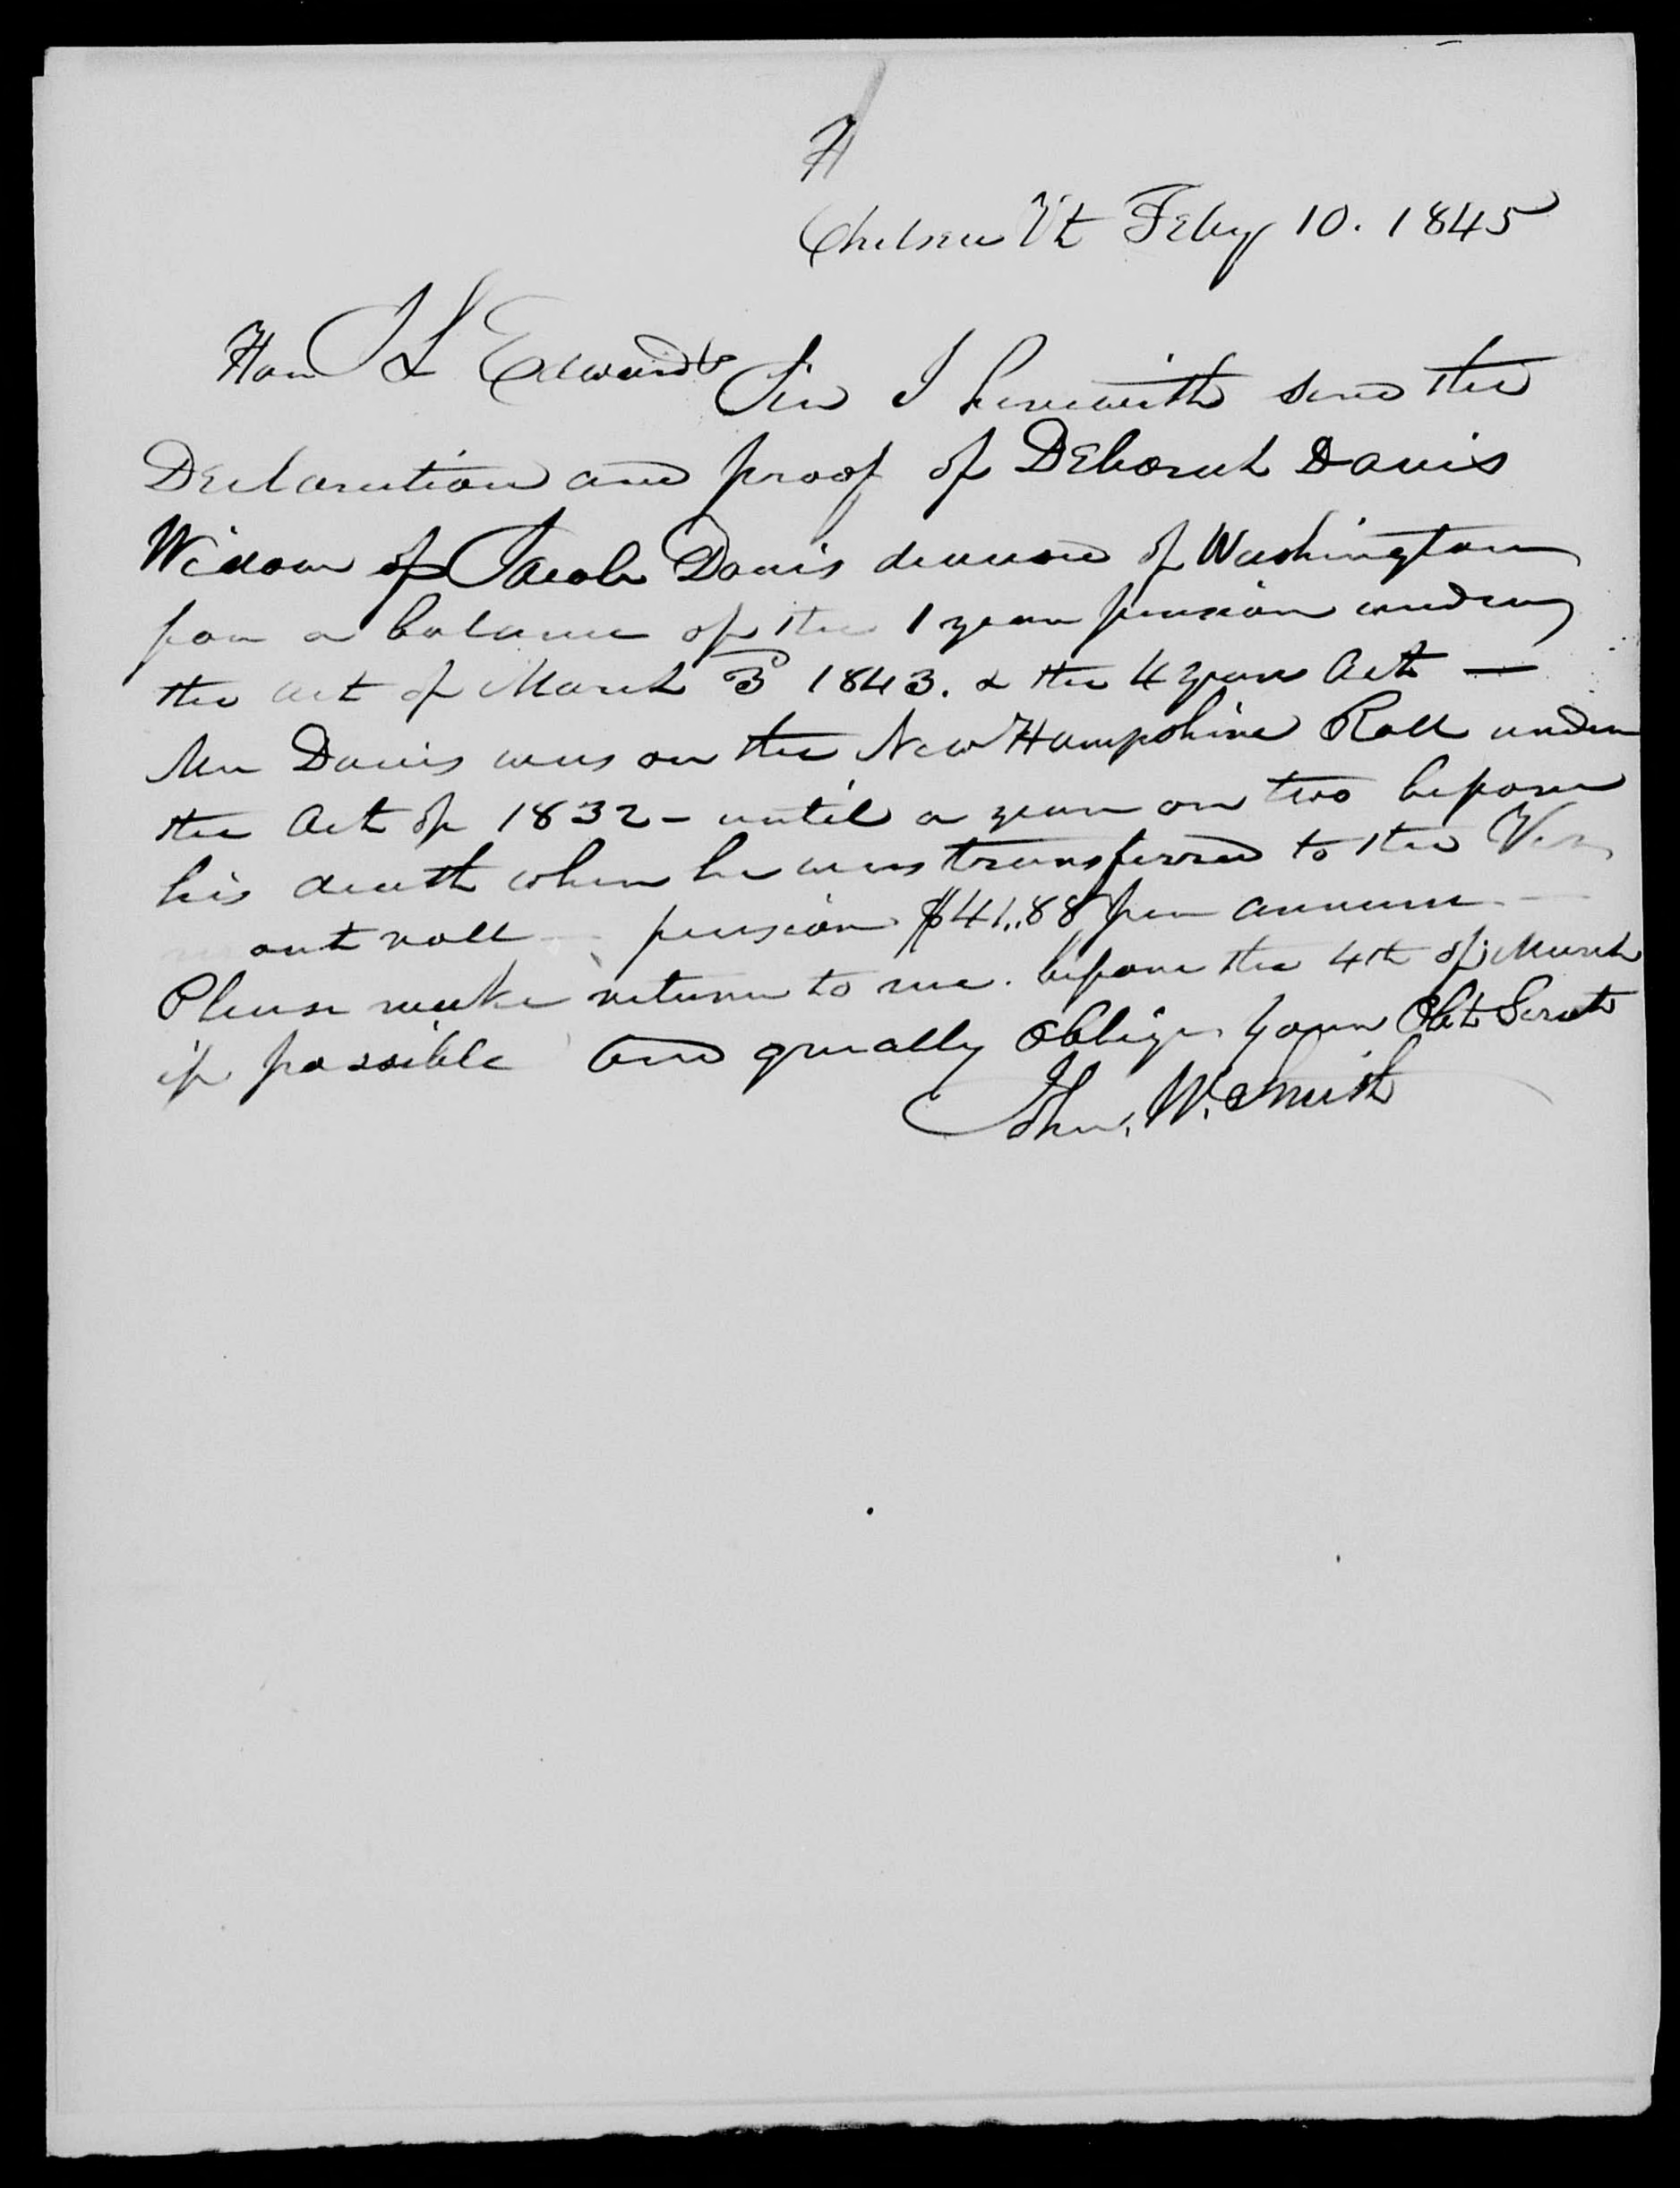F
Chelsea Vt Feby 10. 1845
Hon J L Edwards
Sir I herewith send the Declaration and proof of Deborah Davis Widow of Jacob Davis deceased of Washington for a balance of the 1 year pension under the act of March 3d 1843, and the 4 years Act. Mr Davis was on the New Hampshire Roll under the Act of 1832 - until a year or two before his death when he was transferred to this Vermont roll pension $41.88 per annum,-
Please make return to me before the 4th of March
if possible and greatly oblige your Obt Servt
John W. Smith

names: Deborah Davis, Davis, J L Edwards, Jacob Davis, John W Smith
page: 44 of 47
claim: widow's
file: W. 24043, Jacob Davis, N.H.